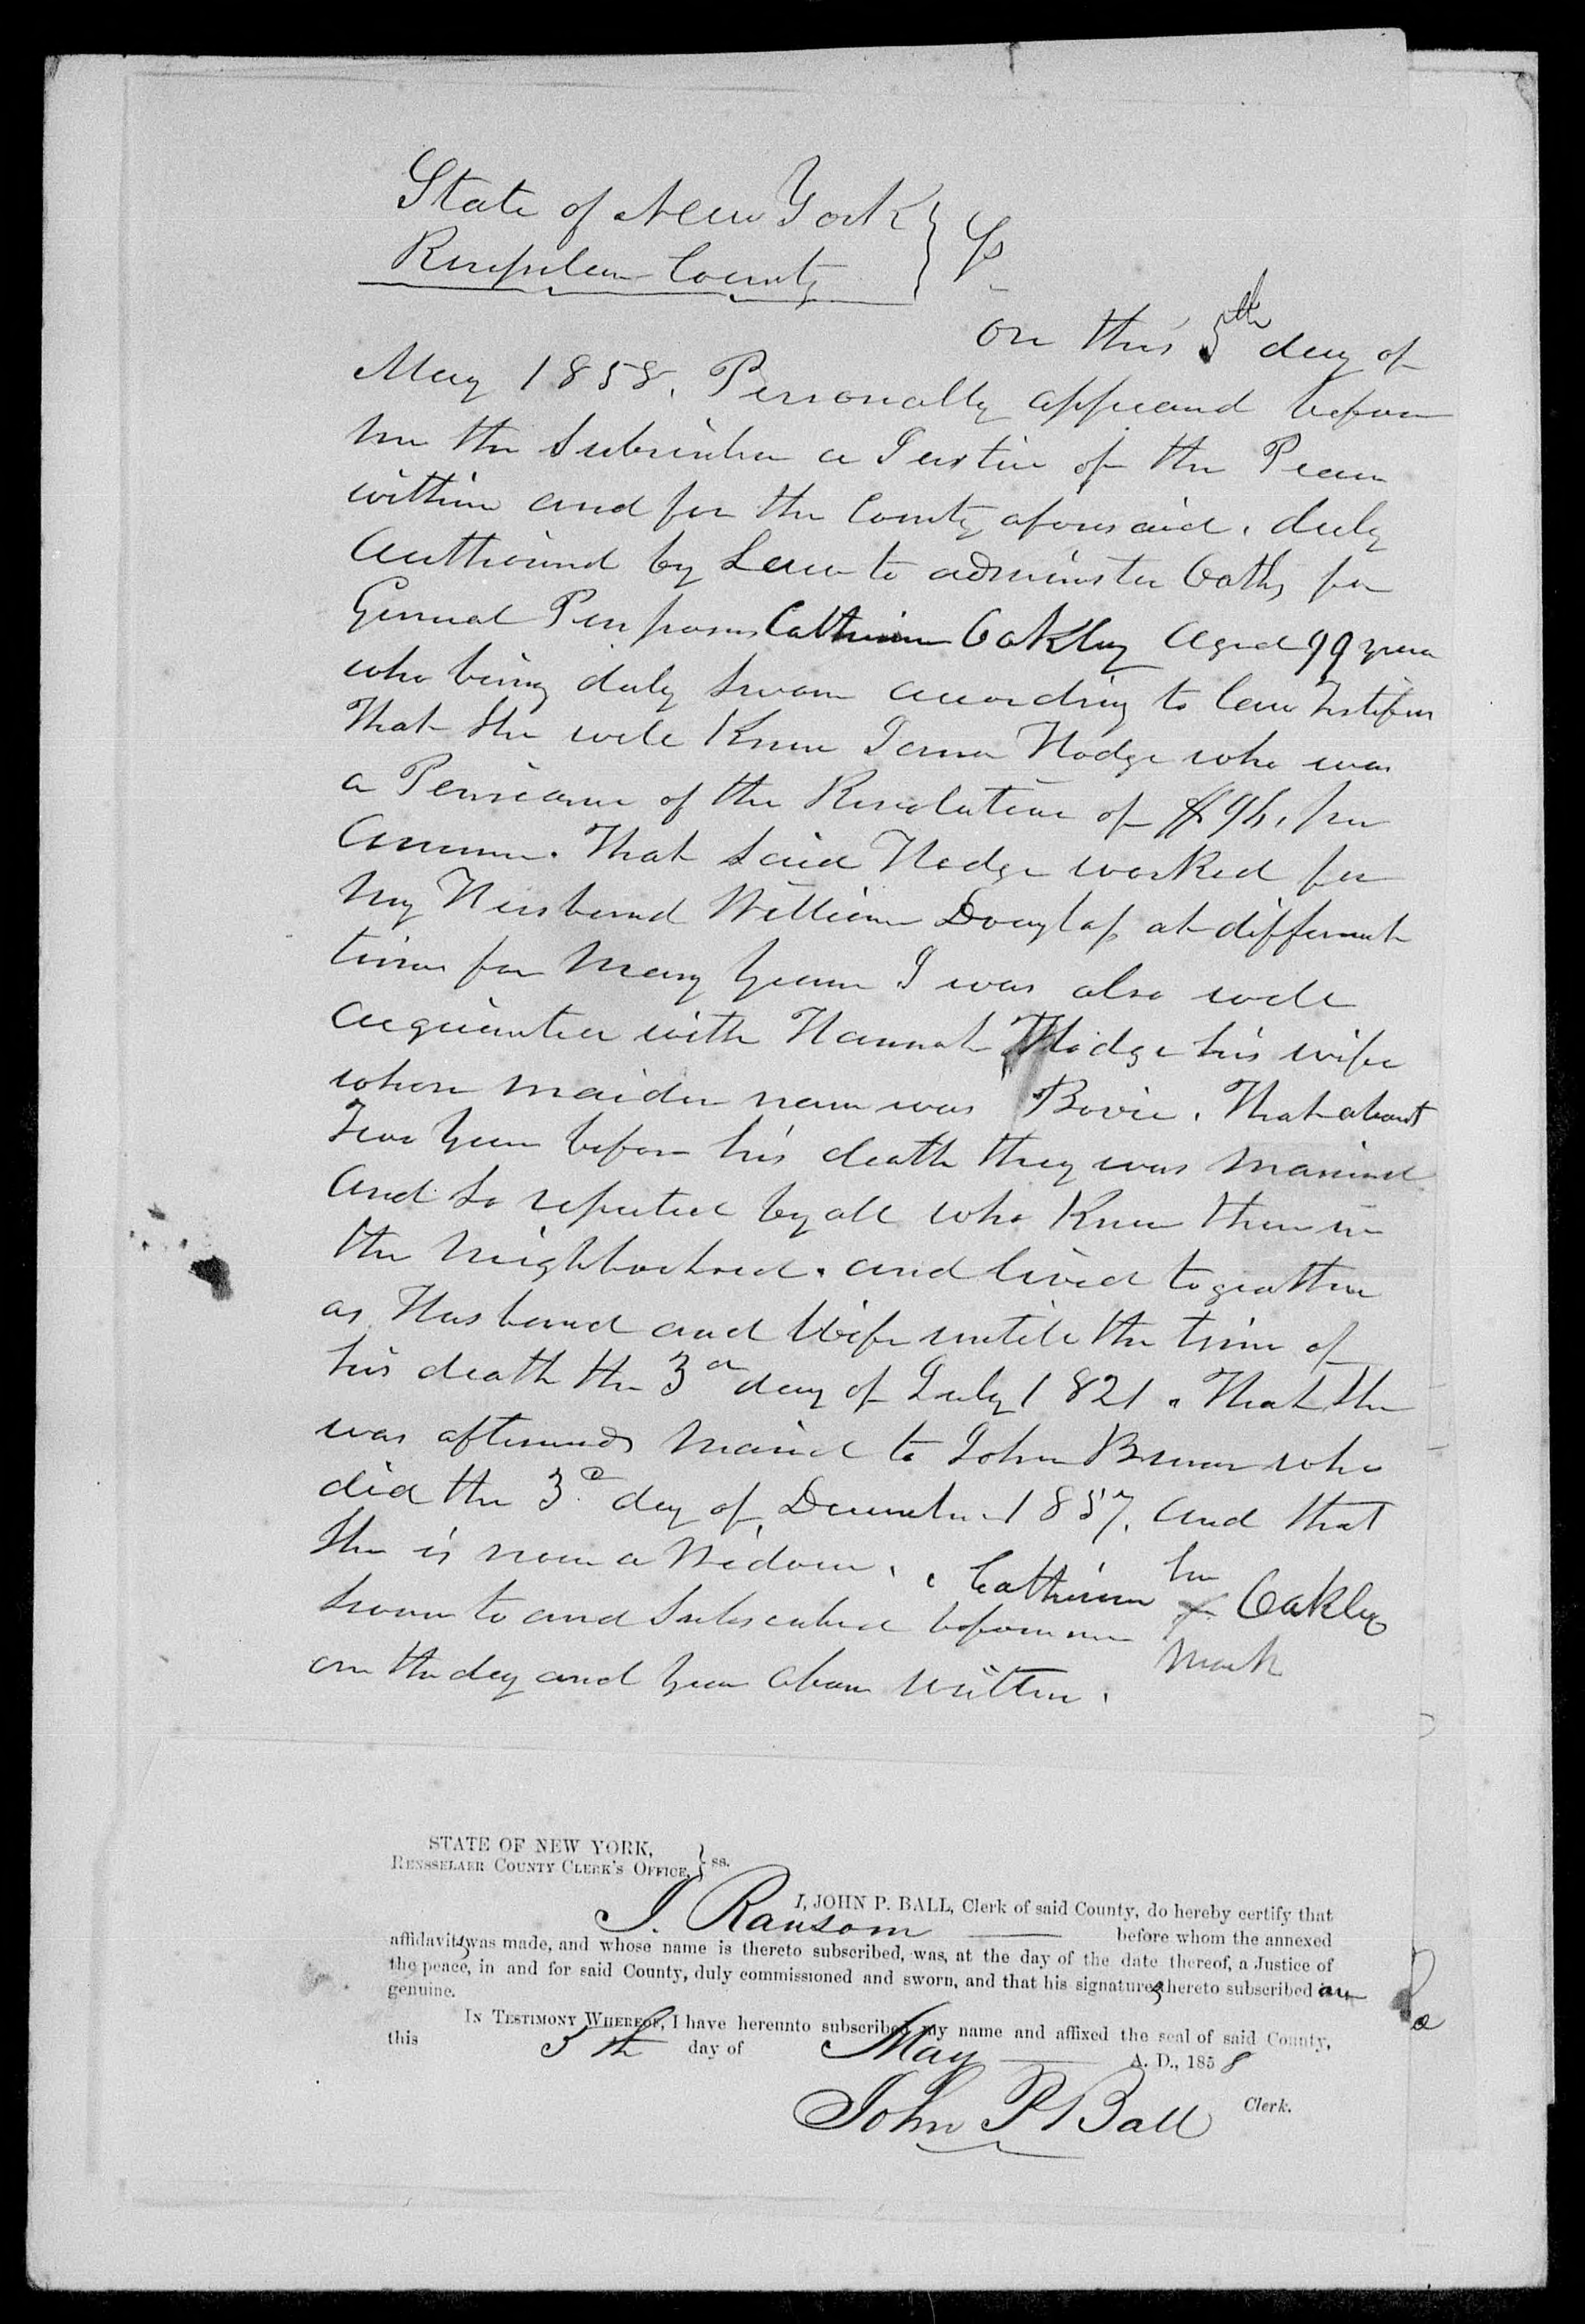State of New York
Rensselaer County
On this 5th day of May, 1858, personally appeared before me the subscriber a Justice of the Peace within and for the country aforesaid duly authorized by Law to administer the oath for (illegible)(illegible) Catherine Oakley age 19(?) years who being duly sworn according to (illegible)(illegible) that she (illegible) (illegible)James Hodge who was a pensioner of the Revolution of (illegible).  That Hodge worked for my husband WIlliam Douglas at different times for many years.  I was also well accquainted with Hannah Hodge his wife whose maiden name was Bovier.  That about five years before his death the were married and so reflected by all who knew them in the neighborhood and lived together as husband and wife until the time of his death the 3rd day of July 1821. That she was afterward married to John Burnes so(?) he died the 3rd day of December 1857 and that she is (illegible) a widower.  Catherine mark X Oakley sworn and subscribed before me on the day and year above written.



J Ransom

5th day of May
John P ball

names: Cathine Oakley, J Ransom, John P Ball, Hodge, Bovier, James Hodge, William Douglas, Hannah Hodge, John Benantohe, Cathine Cokley, John P Ball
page: 47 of 48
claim: widow's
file: W. 10476, James Hodge, New York